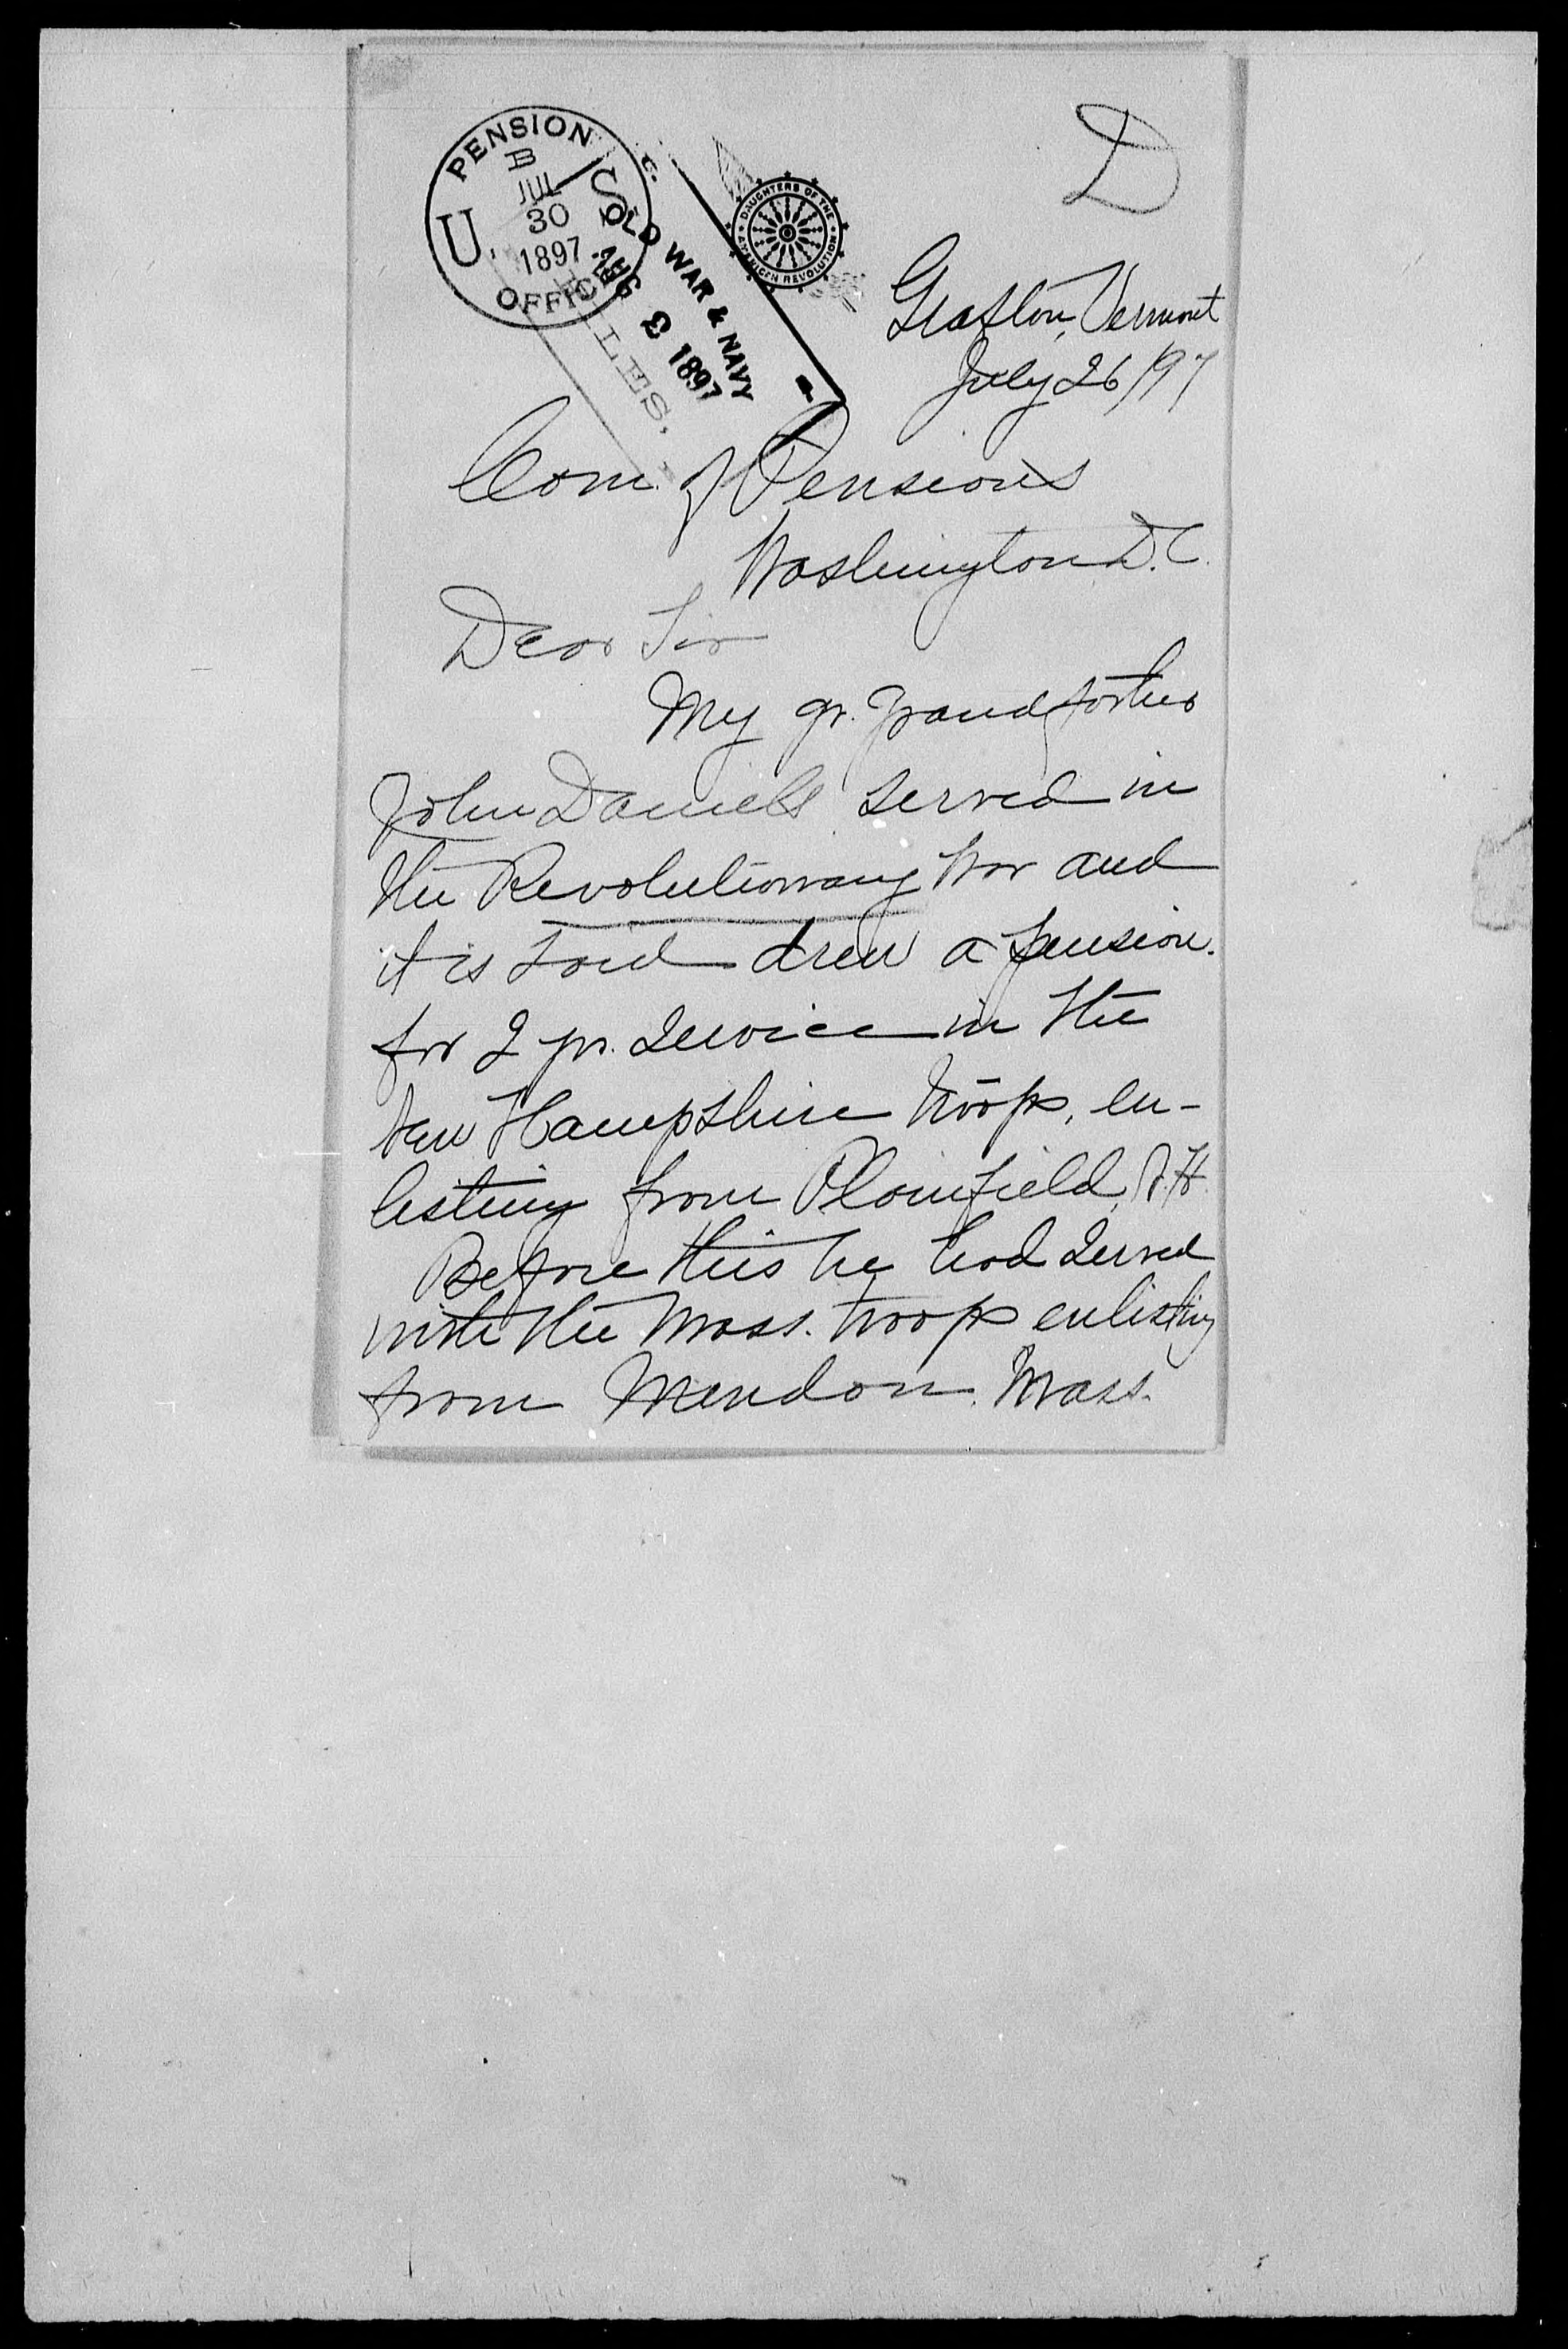[3 stamps]
US PENSION OFFICE JUL 30 1897

OLD WAR & NAVY FILES  AUG 3 1897

DAUGHTERS OF THE AMERICAN REVOLUTION

D

Glaston, Vermont
July 26, 1897

Commissioner of Pensions
Washington D.C.

Dear Sir
My gr. grandfather John Daniels served in the Revolutionary War and it is said drew a pension for 2 yrs. service in the New Hampshire troops enlisting from Plainfield N.H.
Before this he had served with the Mass. troops enlisting from Mendon Mass.
[end of page]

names: John Daniels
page: 31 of 43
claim: widow's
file: W 683, John Daniels, Continental Mass. N.H.